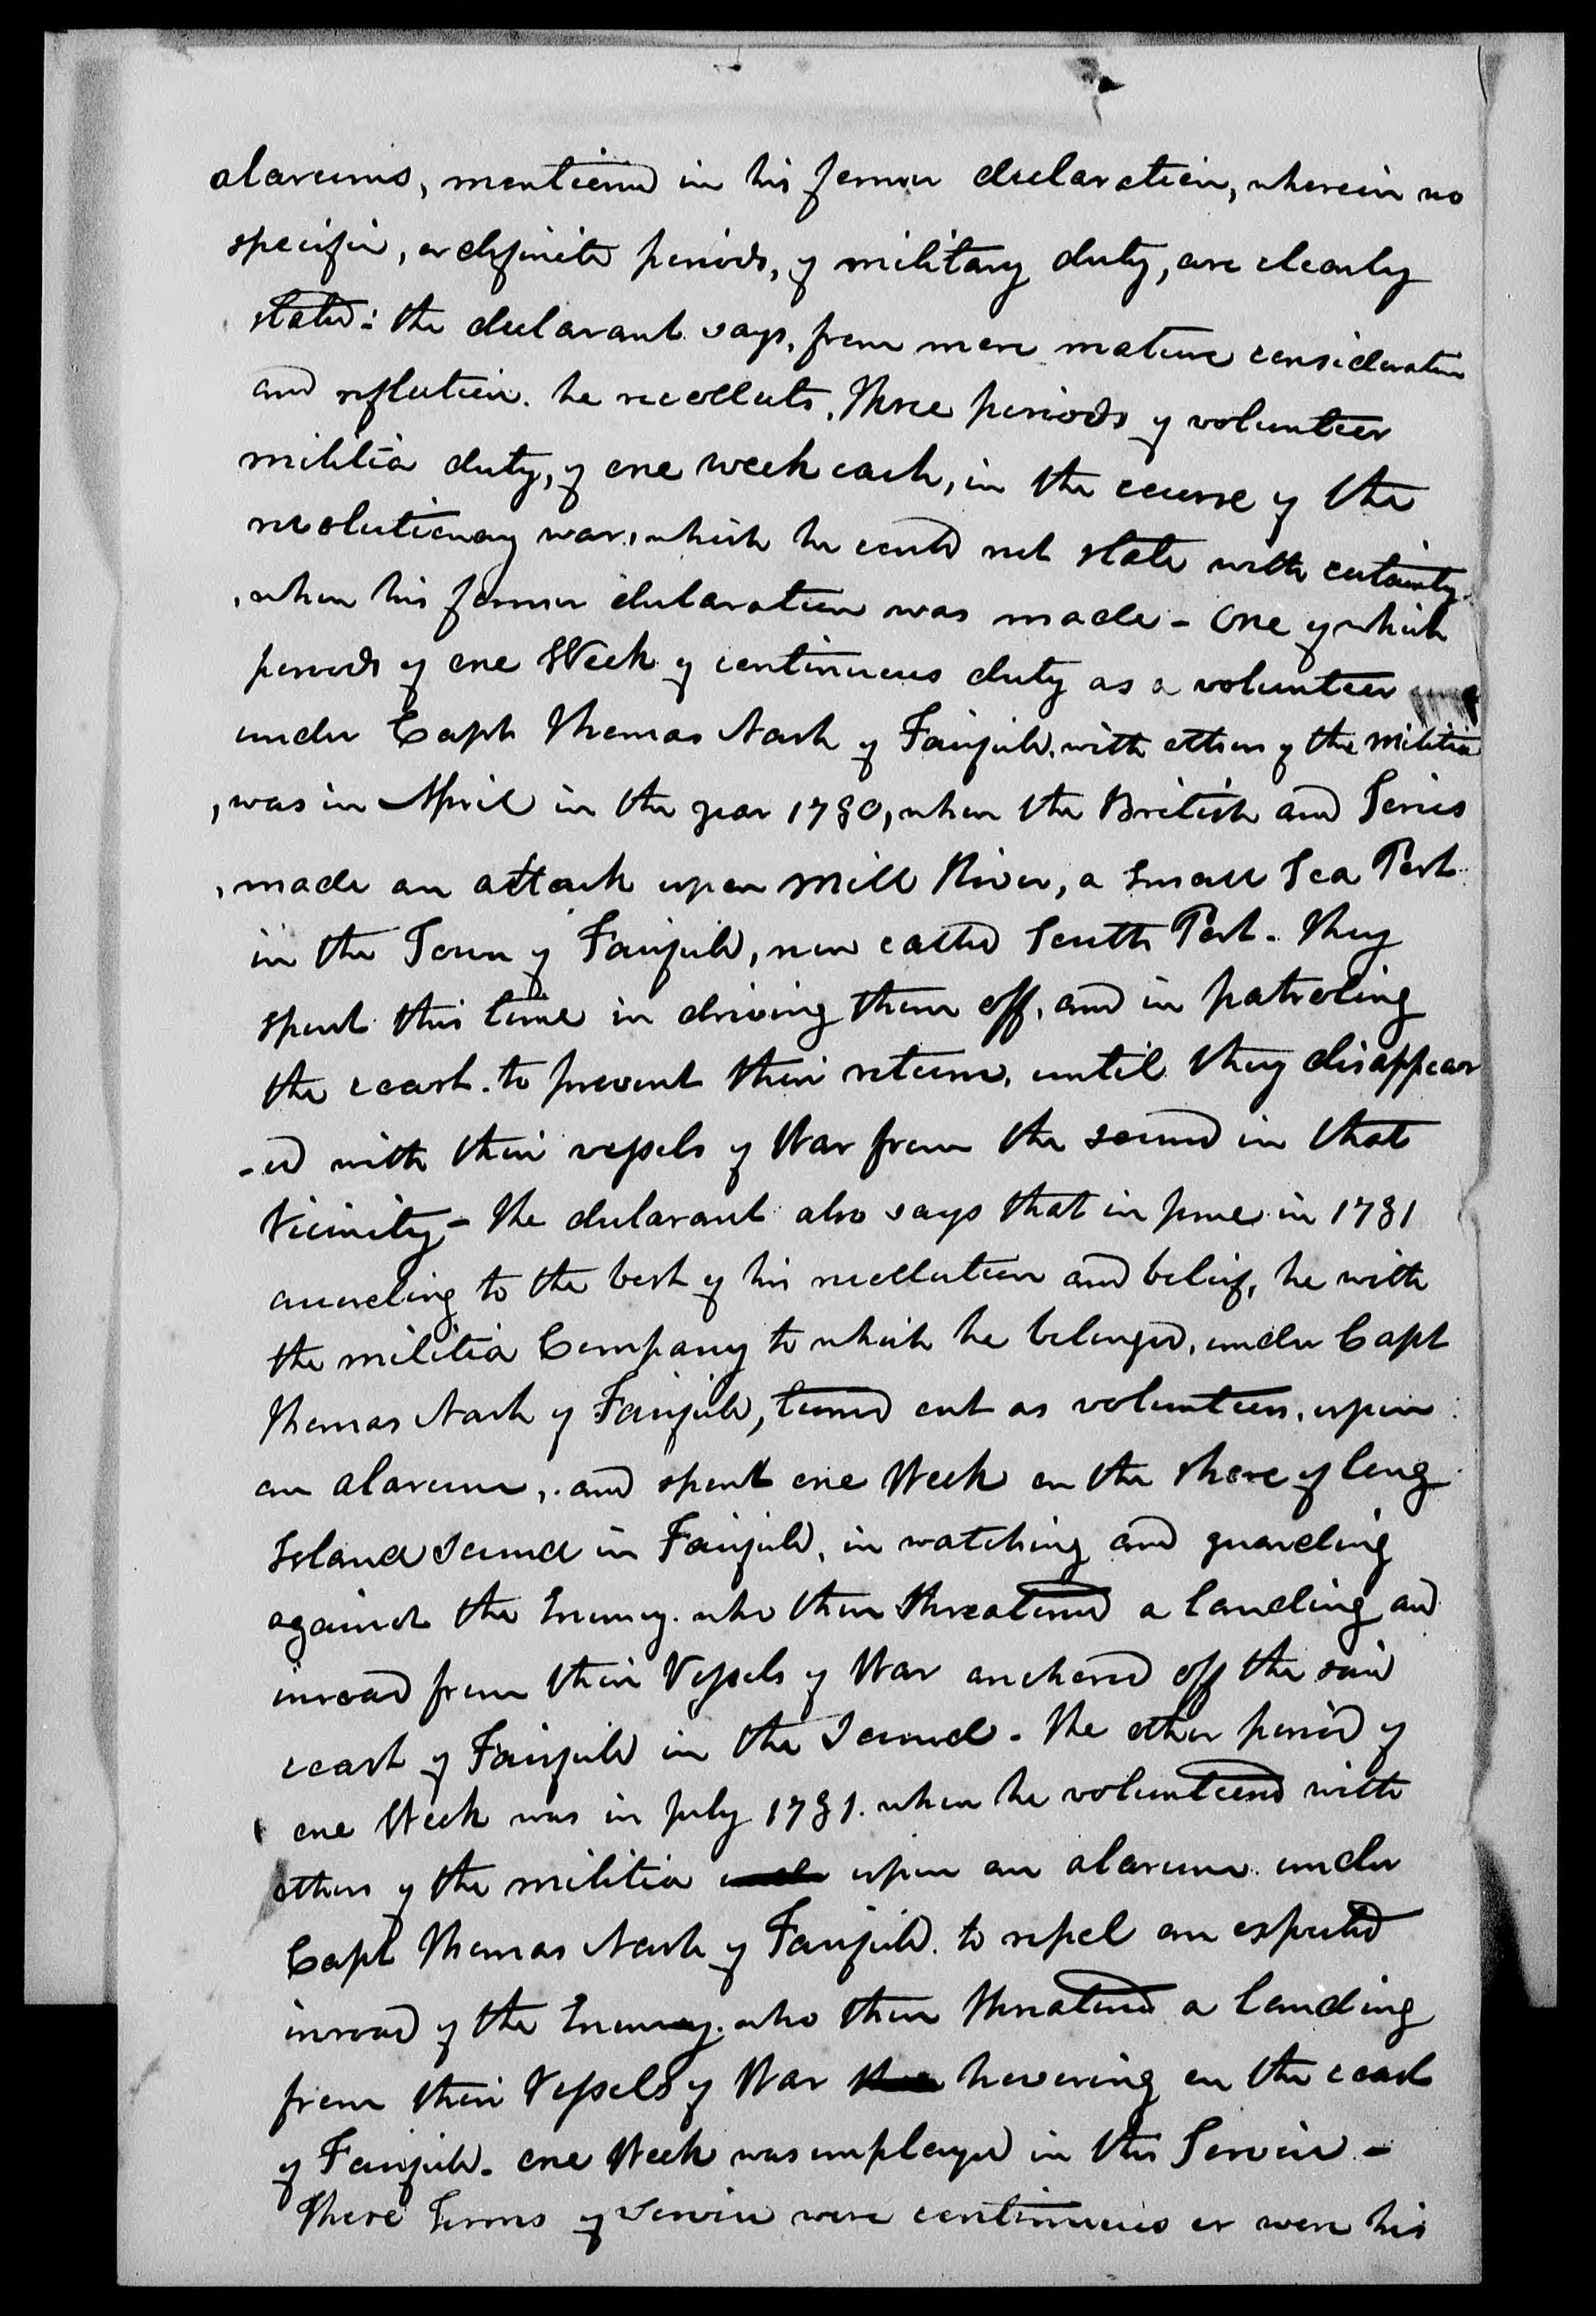alarums, [sic] mentioned in his former declaration, wherein no specific, or definite periods, of military duty, are clearly stated; the declaration says, from more mature considerations and reflection. he recollects.  More periods of volunteer militia duty of one week each, in the course of the revolutionary war, which he entrd [sic] and states with certainty when his former declaration was made - One of which period of one Week of continuous duty as a volunteer under Capt Thomas Nash of Fairfield with others of the militia, was in April of the year 1780, when the British and Tories, made an attack upon Mill River, a small Sea Park in the Town of Fairfield, now called Tenth Park.  They spent this time in driving them off and in patroling [sic] the coast to prevent their return, until they disappeared with their vessels of War from the sound in that Vicinity - the declarant also says that in June in 1781 according to the best of his recollection and belief, he with the militia Company to which he belonged, under Capt Thomas Nash of Fairfield, teamed [?]  out as volunteer, upon an alarum, and spent one Week on the shore of Long Island Sound in Fairfield, in watching and guarding against the Enemy who then threatened a landing and [illegible word] from their Vessels of War anchored off the said coast of Fairfield in the Sound.  The other period of one Week was in July 1781 when he volunteered with others of the militia upon an alarum under Capt Thomas Nash of Fairfield to repel and expected [illegible word] of the Enemy, who then threatened a landing from the Vessels of War hovering on the coast of Fairfield. One Week was employed in this Service - These terms of service were continuous as were his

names: Thomas Nash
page: 13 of 22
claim: survivor's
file: S. 15,517, for Joseph Meeker, Connecticut